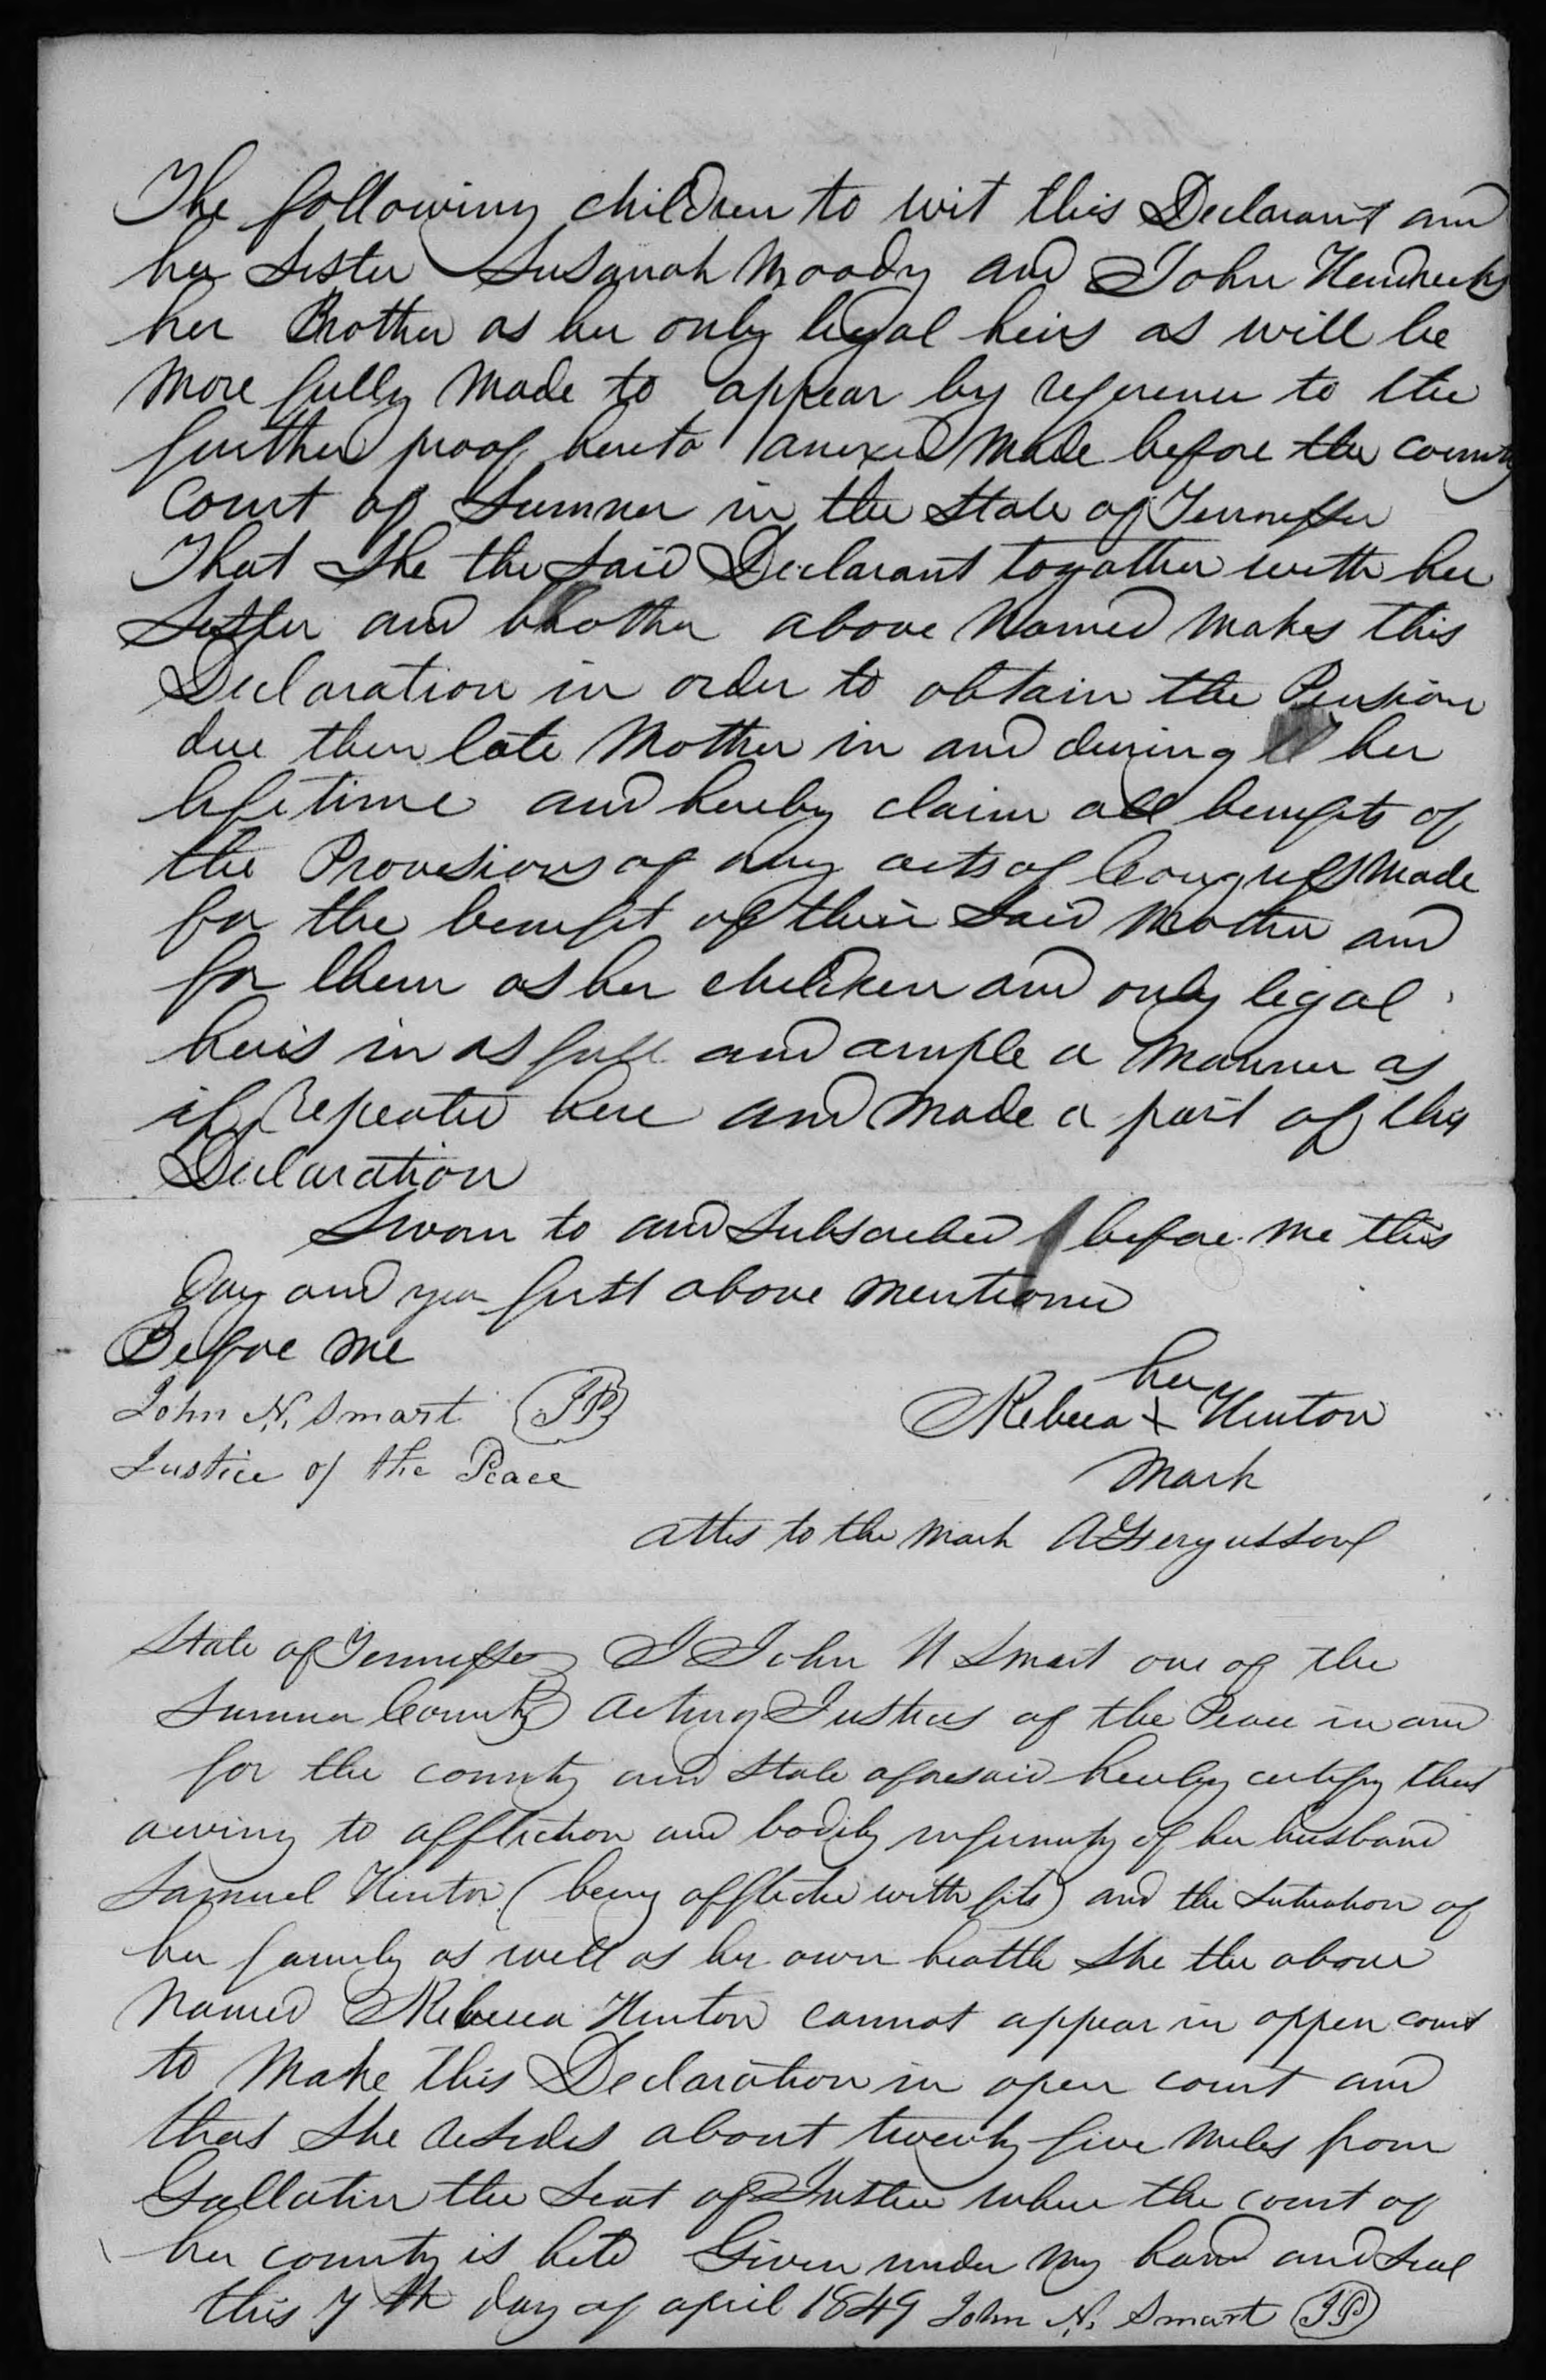The following children to wit this Declarant and 
her sister Susanah Moody and John Hendricks 
her brother as her only legal heirs as will be 
more fully made to appear by reference to the 
further proof hereto annexed made before the County 
Court of Sumner in the State of Tennessee 
That the said Declarant together with her 
sister and brother above named makes this 
Declaration in order to obtain the pension 
due their late mother in and during her 
lifetime and hereby claim all benefits of 
the provisions of any acts of Congress made 
for the benefit of their said mother and 
for them as her children and only legal 
heirs in as full and ample a manner as 
if repeated here and made a part of this 
Declaration

Sworn to and subscribed before me this 
day and year first above mentioned 
Before me
John N. Smart [encircled JP] Rebecca her X mark Hinton
Justice of the Peace Attest to the mark A Fergusson

State of Tennessee } I John N Smart one of the 
Sumner County } acting Justices of the Peace in and 
for the County and State aforesaid hereby certify that 
owing to affliction and bodily infirmity of her husband 
Samuel Hinton (being afflicted with fits) and the situation of 
her family as well as her own health she the above 
named Rebecca Hinton cannot appear in oppen [open] Court 
to make this Declaration in open Court and 
that she resides about twenty five miles from 
Gallatin the seat of Justice where the Court of 
her County is held Given under my hand and seal 
this 7th day of April 1849 John N. Smart [encircled JP]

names: A Fergusson, Susanah Moody, John N Smart, John N Smart, Samuel Hinton, John Hendricks, John N Smart, Rebeca Hinton, Rebecca Hinton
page: 67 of 76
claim: widow's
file: W. 83, Albert Hendricks, Continental Md. N.C.